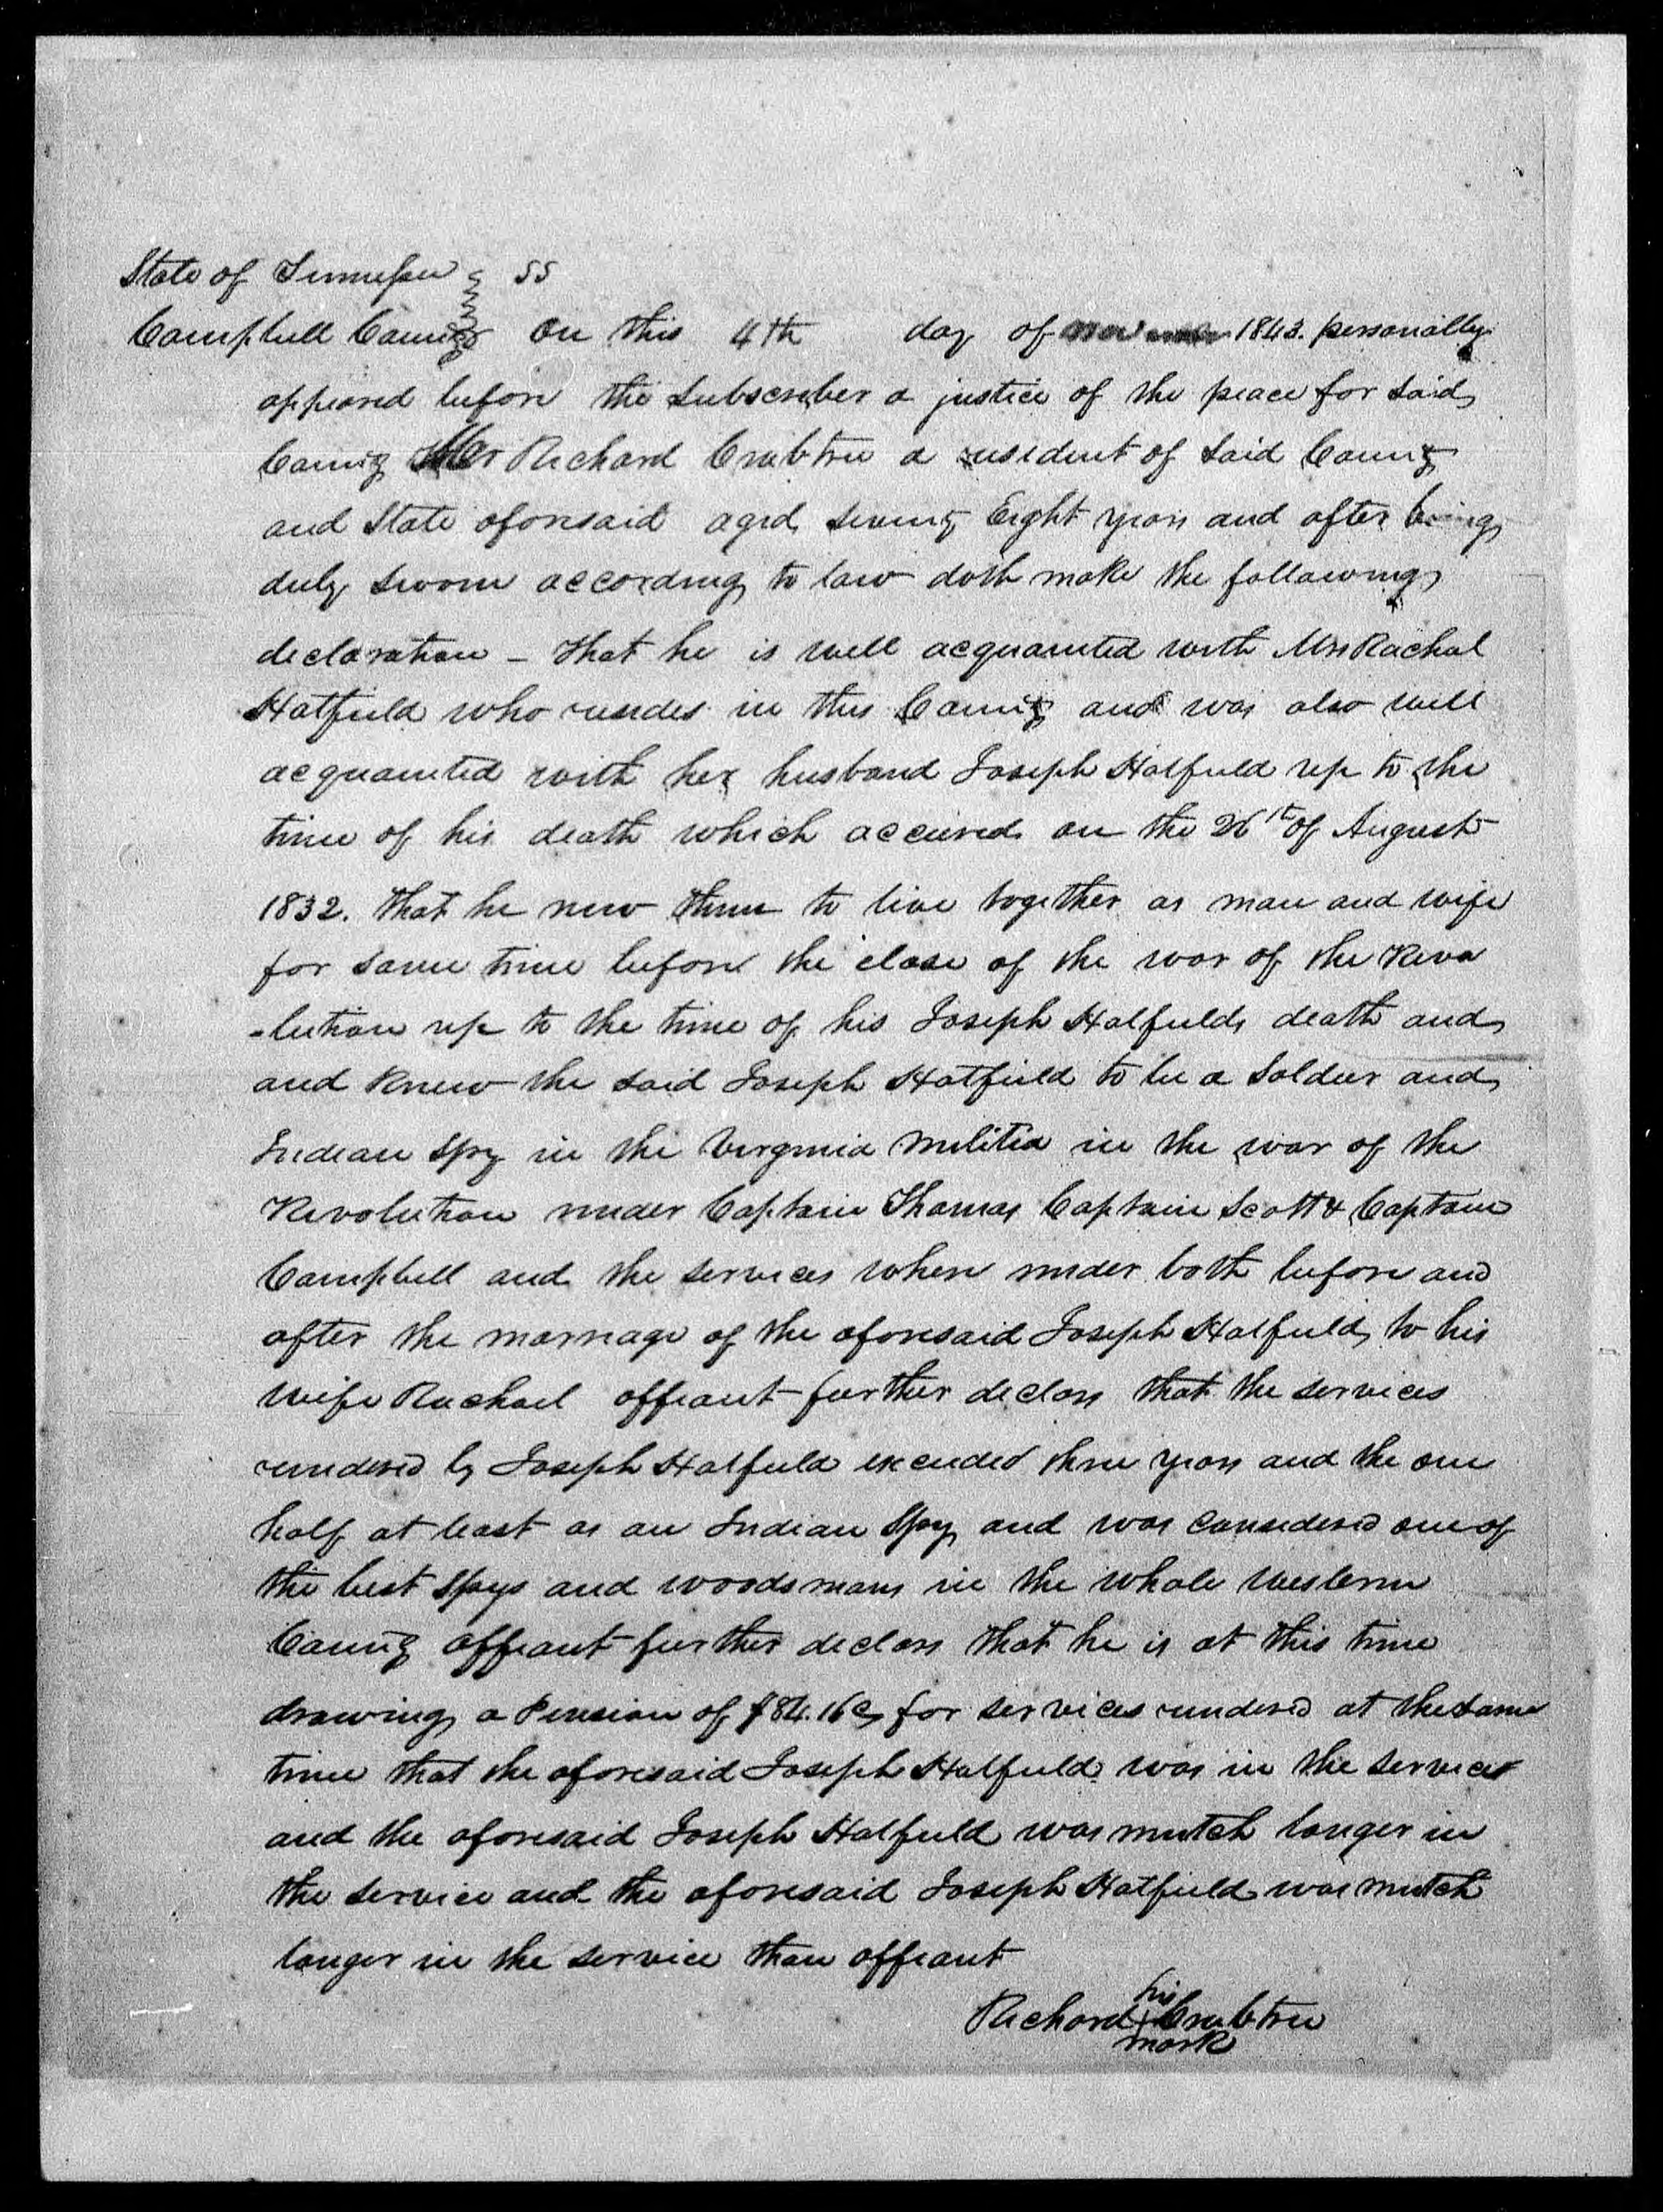State of Tennessee} SS
Campbell County} On this 4th day of Nov 1843. personally appeared before the Subscriber a justice of the peace for said County, Mr Richard Crabtree a resident of Said County and State aforesaid aged seventy Eight years and after being duly Sworn according to law doth make the following declaration - That he is well acquainted with Mrs. Rachel Hatfield who resides in this County and was also well acquainted with her husband Joseph Hatfield up to the time of his death which occured on the 26th of August 1832. That he new them to live together as man and wife for some time before the close of the war of the Revolution up to the time of his Joseph Hatfields death and and knew the said Joseph Hatfield to be a Soldier and Indian Spy in the Virginia Militia in the war of the Revolution under Captain Thomas Captain Scott & Captain Campbell and the services when under both before and after the marriage of the aforesaid Joseph Hatfield, to his wife Rachel affiant further declares that the services rendered by Joseph Hatfield exceeded three years and the one half at least as an Indian Spy, and was Considered one of the best spys and woodsmans in the whole Western Country. Affiant further declares that he is at this time drawing a Pension of $84.16 for services rendered at the same time that the aforesaid Joseph Hatfield was in the service and the aforesaid Joseph Hatfield was mutch longer in the service and the aforesaid Joseph Hatfield was mutch longer in the service than affiant
Richard Crabtree x his mark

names: Joseph Hatfield, Rachael, Richard Crabtree, Joseph Hatfield, Joseph Hatfield, Joseph Hatfield, Joseph Hatfield, Joseph Hatfield, Scott, Richard Crabtree, Thomas, Joseph Hatfield, Joseph Hatfield, Rachal Hatfield, Campbell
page: 56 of 74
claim: widow's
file: W. 5, Joseph Hatfield, Va.